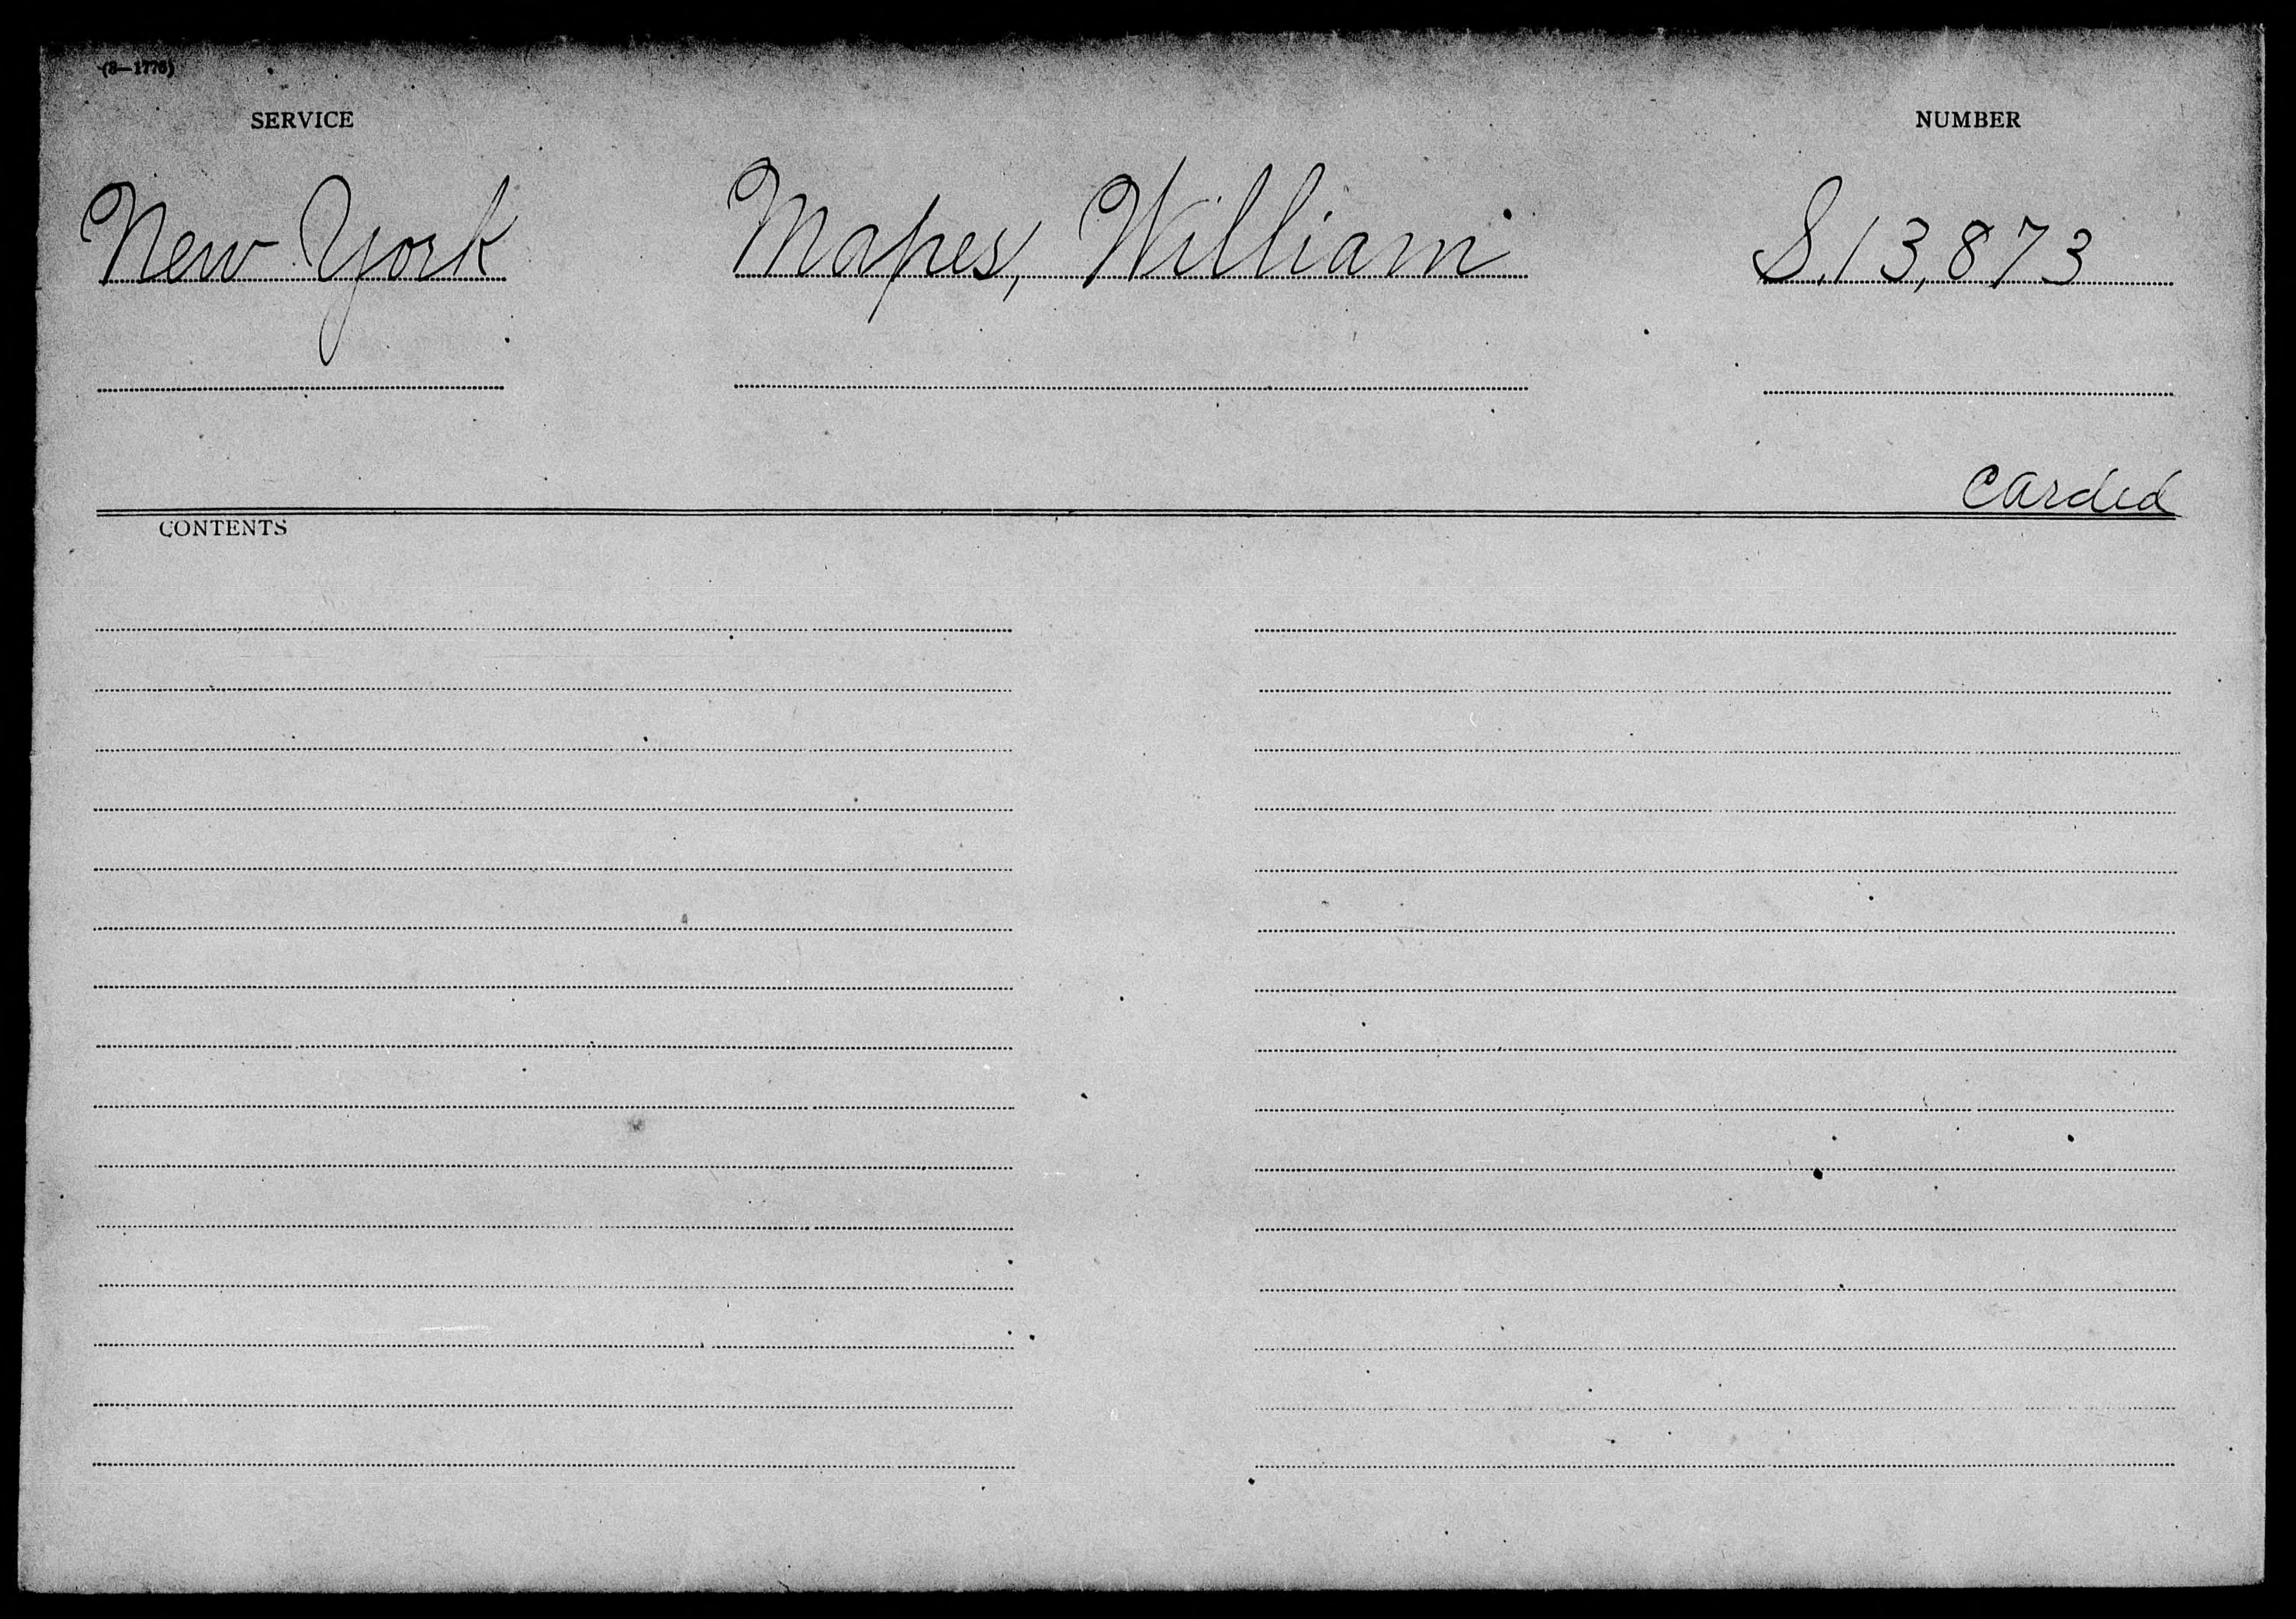(3-1776)

SERVICE 
New York 

Mapes, William 

NUMBER 
S.13.873 

carded
————————————
CONTENTS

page: 1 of 30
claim: survivor's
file: S. 13,873, for William Mapes, New York